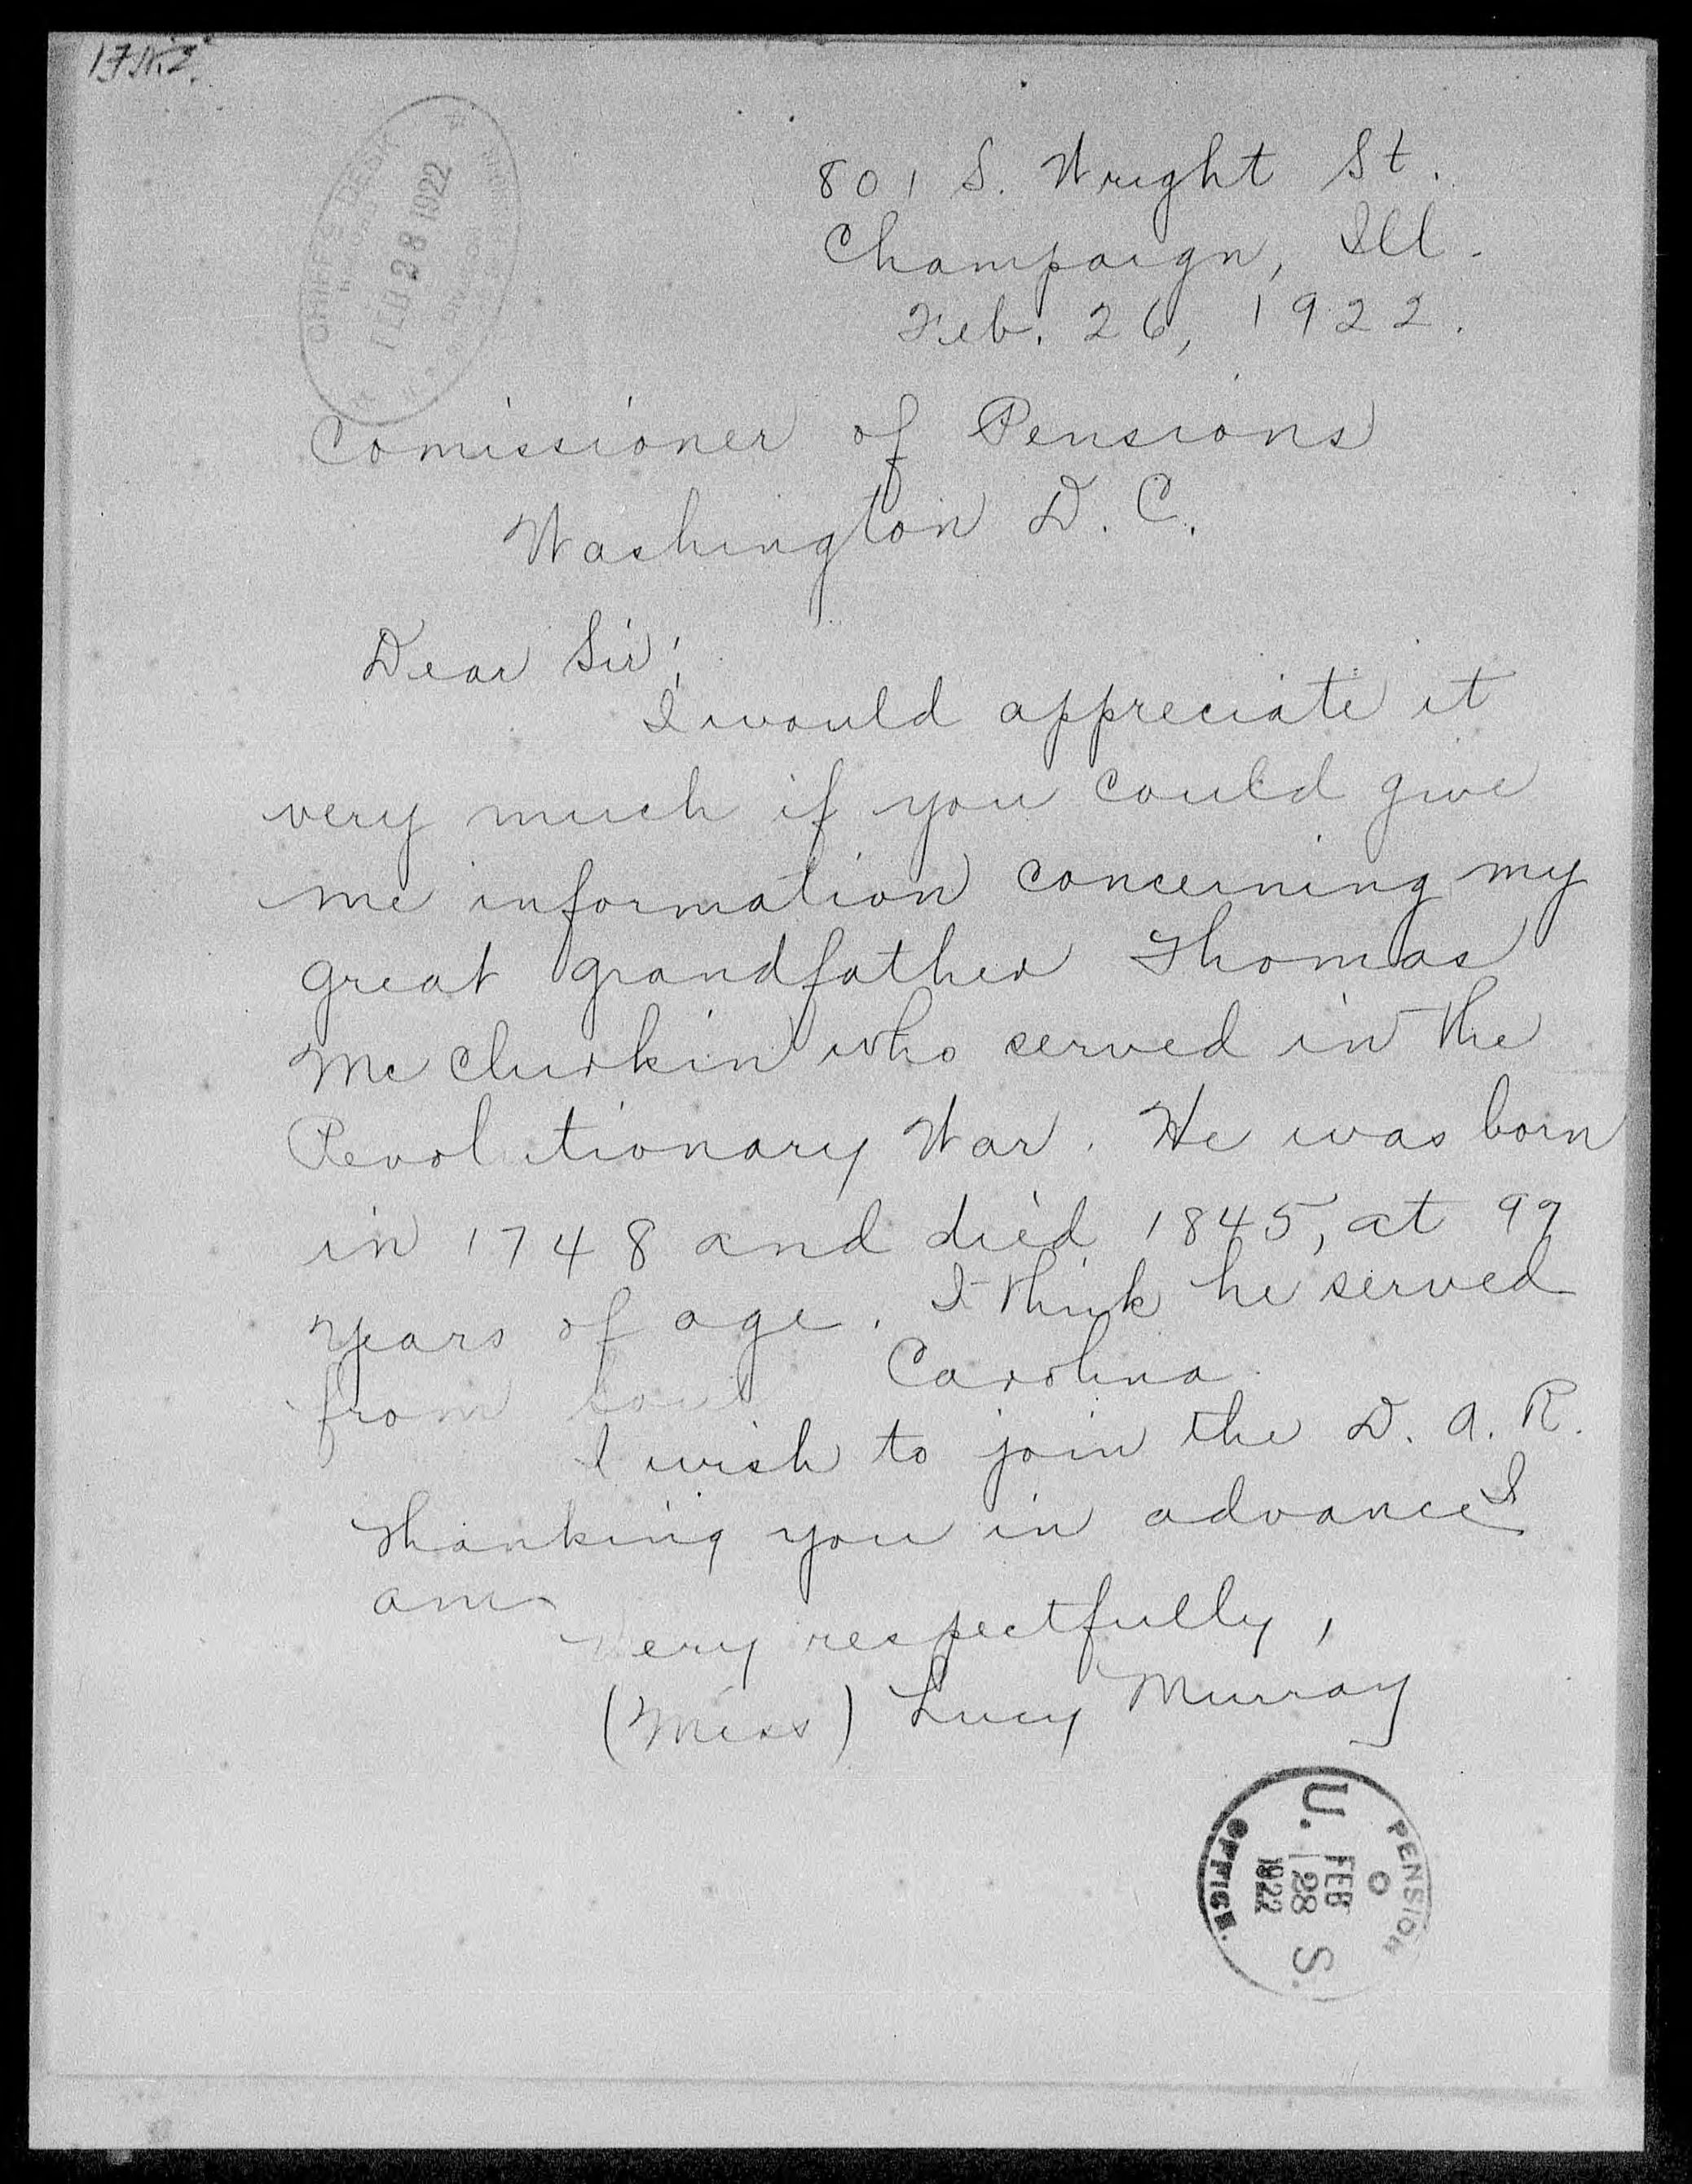801 S. Wright St. 
Champaign, Ill. 
Feb. 26, 1922 
Commissioner of Pensions 
Washington D.C. 

Dear Sir: 
I would appreciate it 
very much if you could give 
me information concerning my 
great grandfather Thomas 
McClurkin who served in the 
Revolutionary War. He was born 
in 1748 and died 1845, at 97 
years of age. I think he served
from South Carolina. 

I wish to join the D.A.R. 
thanking you in advance I
am 

Very respectfully,
(Miss) Lucy Murray

[seal]
[US PENSION OFFICE FEB 28, 1922]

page: 89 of 93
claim: widow's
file: W. 21792, for Thomas Mc Clurken, South Carolina